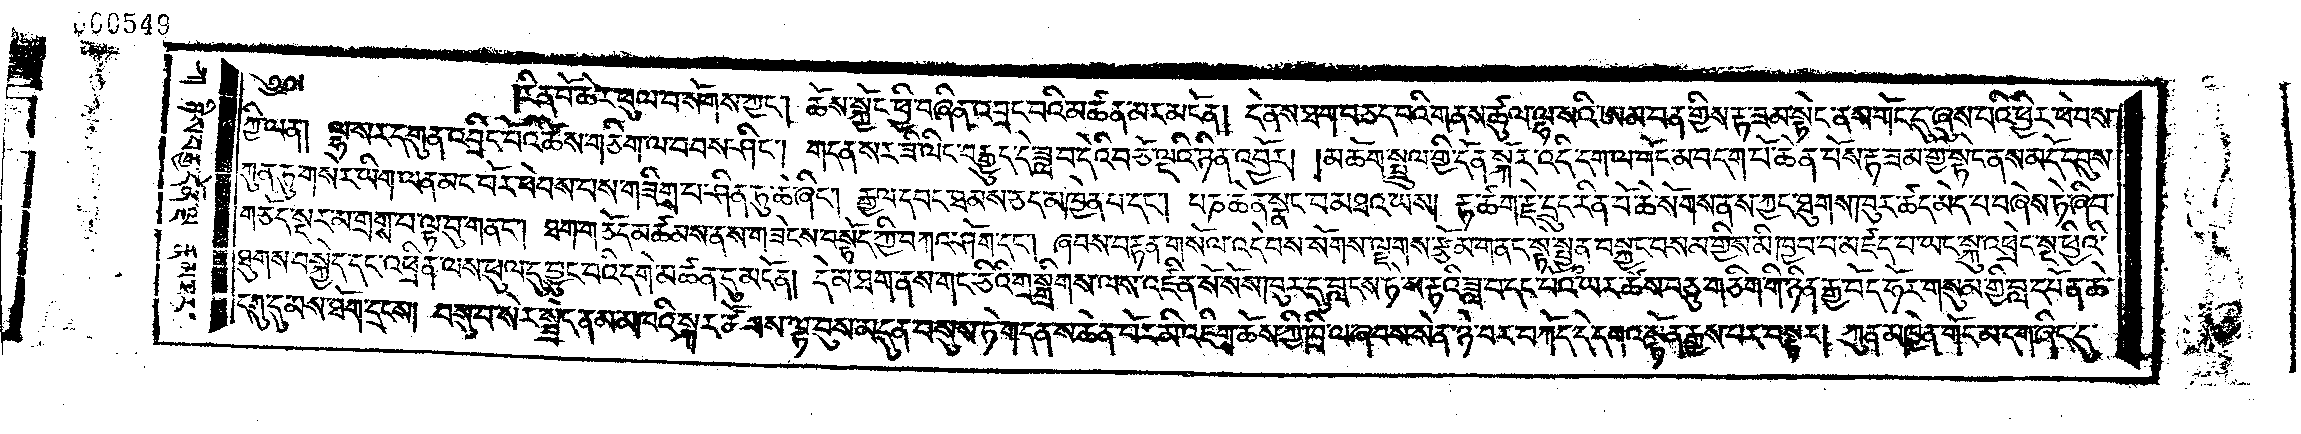༄༅། །རིན་པོ་ཆེར་ཕུལ་བ་སོགས་ཀྱང་། ཆོས་སྐྱོང་ཕྱི་བཞིན་འབྲང་བའི་མཚན་མར་མངོན། དེ་ནས་ཐག་བཅད་པའི་གནས་ཚུལ་ལྷ་སའི་ཨ་མ་བན་གྱིས་རྟ་ཟམ་སྟེང་ནས་གོང་དུ་ཞུས་པའི་ཕྱིར་ཕེབས་
ཀྱི་ལན། ལྷ་སར་དགུན་འབྲིང་པོའི་ཚེས་གཅིག་ལ་བབས་ཤིང་། གདན་སར་ཟི་ལིང་བརྒྱུད་དེ་ཟླ་བ་དེའི་བཅོ་ལྔའི་ཉིན་འབྱོར། །མཆོག་སྤྲུལ་གྱི་དོན་སྐོར་འདི་དག་ལ་གོང་མ་བདག་པོ་ཆེན་པོས་རྟ་ཟམ་གྱི་སྟེང་ནས་མདོ་དབུས་
ཀུན་ཏུ་གསེར་ཡིག་ལན་མང་པོར་ཕེབས་པས་གཟིགས་པ་ཤིན་ཏུ་ཆེ་ཞིང་། རྒྱལ་དབང་ཐམས་ཅད་མཁྱེན་པ་དང་། པཎ་ཆེན་སྣང་བ་མཐའ་ཡས། རྟ་ཚག་རྗེ་དྲུང་རིན་པོ་ཆེ་སོགས་ནས་ཀྱང་ཐུགས་ཁུར་ཚད་མེད་པ་བཞེས་ཏེ་ཞིབ་
གཅོད་སྔར་མ་གྲགས་པ་ལྟ་བུ་གནང་། ཐག་གཅོད་མཚམས་ནས་གཟེངས་བསྟོད་ཀྱི་བཀའ་ཤོག་དང་། ཞབས་བརྟན་གསོལ་འདེབས་སོགས་ལྗགས་རྩོམ་གནང་སྟེ་སྤྱན་བསྐྱང་བསམ་གྱིས་མི་ཁྱབ་པ་མཛད་པ་ཡང་སྐུ་འཕྲེང་སྔ་ཕྱིའི་
ཐུགས་བསྐྱེད་དང་འཕྲིན་ལས་ཕུལ་དུ་བྱུང་བའི་དགེ་མཚན་དུ་མངོན། དེ་མ་ཐག་ནས་གང་ཅིའི་གྲ་སྒྲིགས་ལས་འཛིན་སོ་སོས་ཁུར་དུ་བླངས་ཏེ་ས་རྟའི་ཟླ་བ་དང་པོའི་ཡར་ཚེས་བཅུ་གཅིག་གི་ཉིན་རྒྱ་བོད་ཧོར་གསུམ་གྱི་བླ་དཔོན་ཆེ་
དགུ་དུ་མས་ཐོག་དྲངས། བསུབ་སེར་སྤྲེང་ནམ་མཁའི་སྐར་ཚོགས་ལྟ་བུས་མདུན་བསུས་ཏེ་གདན་ས་ཆེན་པོར་མི་འཇིགས་ཆོས་ཀྱི་ཁྲི་ལ་ཞབས་སེན་ཉེ་བར་བཀོད་དེ་དགའ་སྟོན་རྒྱས་པར་བསྟར། ཀུན་མཁྱེན་གོང་མ་དག་ཞིང་དུ་